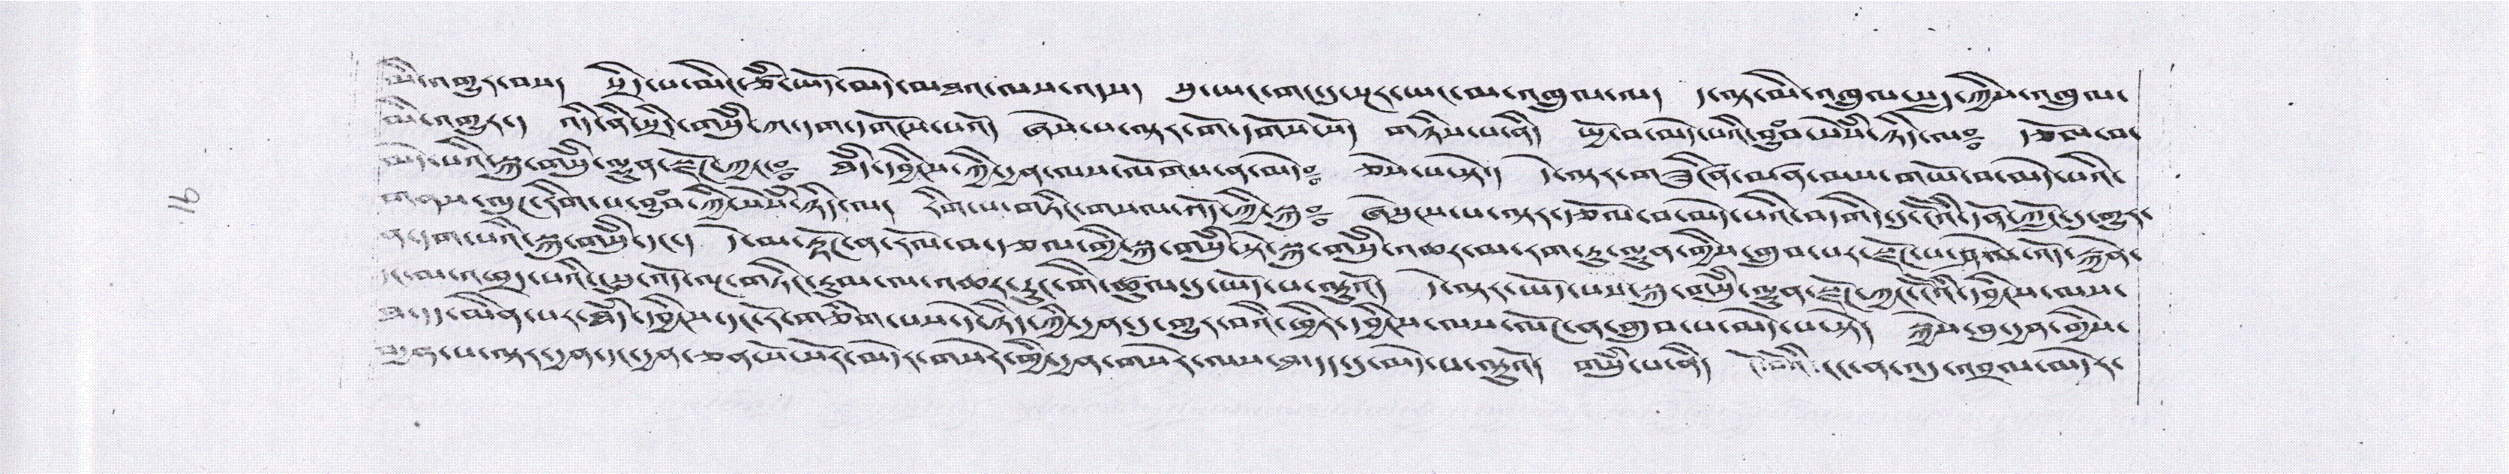མི་འགྱུར་བས། སྲིད་པ་མིང་ཙམ་ཡོད་མེད་མཐའ་ལས་འདས། སུ་ཡང་གང་དུ་སྔར་ཡང་མ་འཁྲུལ་ལ། ད་ལྟ་མི་འཁྲུལ་སླད་ཀྱིས་འཁྲུལ་
མི་འགྱུར། འདི་ནི་སྲིད་གསུམ་ཀ་དག་དགོངས་པའོ། ཞེས་པ་ལྟར་གོ་དགོས་སོ། གཉིས་པ་ནི། གཡོ་བ་མེད་པའི་བྱང་ཆུབ་སེམས་ཉིད་ལཿ རྩོལ་བ་
མེད་པའི་སྐུ་གསུམ་ལྷུན་རྫོིགས་ཀྱངཿ ཐམས་ཅད་དབྱིངས་ཀྱི་རྒྱན་ལས་ལོགས་ན་མེདཿ ཅེས་པ་སྟེ། དེ་ལྟར་གཟུང་འཛིན་མཚན་མས་གཡོ་བ་མེད་པའི་
གནས་ལུགས་རིག་པ་བྱང་ཆུབ་ཀྱི་སེམས་ཉིད་ལ། རིག་པ་གཏིང་གསལ་འོིད་ཀྱི་སྐུཿ ཞེས་གསུངས་པ་ལྟར་རྩོལ་བ་མེད་པའི་བདག་ཉིད་དུ་ངོ་བོའི་དོན་ཀློང་དུ་གྱུར་
ན་དག་པའི་སྐུ་གསུམ་དང་། དེ་མ་རྟོགས་ན་རོལ་པ་རྩལ་གྱི་སྐུ་གསུམ་སྟེ་སྐུ་གསུམ་འཆར་མ་རག་ཏུ་ལྷུན་གྱིས་གྲུབ་པར་རྫོགས་པ་ཤེལ་འོད་རྐྱེན་
དང་མ་འཕྲད་པའི་དུས་སུ་འོད་ལྔ་གཏིང་རུམ་ལ་འཆར་རུང་གི་ཚུལ་དུ་ཡོད་པ་ལྟ་བུའོ། དེ་ལྟར་ཡོད་པས་སྐུ་གསུམ་ལྷུན་རྫོགས་ཀྱང་ངོ་བོ་དབྱིངས་ལས་
ཐ་དད་མིན་པར་ཐམས་ཅད་དབྱིངས་དང་རོ་གཅིག་པས་དེ་ཉིད་ཀྱི་རྒྱན་དུ་གྱུར་པའི་ཕྱིར་དབྱིངས་ལས་ལོགས་ན་གྲུབ་པ་མེད་པ་སྟེ། སྐྱེས་བུ་རྒྱན་གྱིས་
བརྒྱན་པ་ལྟར་རྒྱན་དང་རྒྱན་ཅན་སོ་སོར་མེད་པར་གསེར་གྱི་རྒྱན་གསེར་ལས་ཐ་དད་དུ་མེད་པ་ལྟ་བུའོ། གསུམ་པ་ནི། ངོ་བོའི་ངང་ནས་འདུ་འབྲལ་མེད་པར་